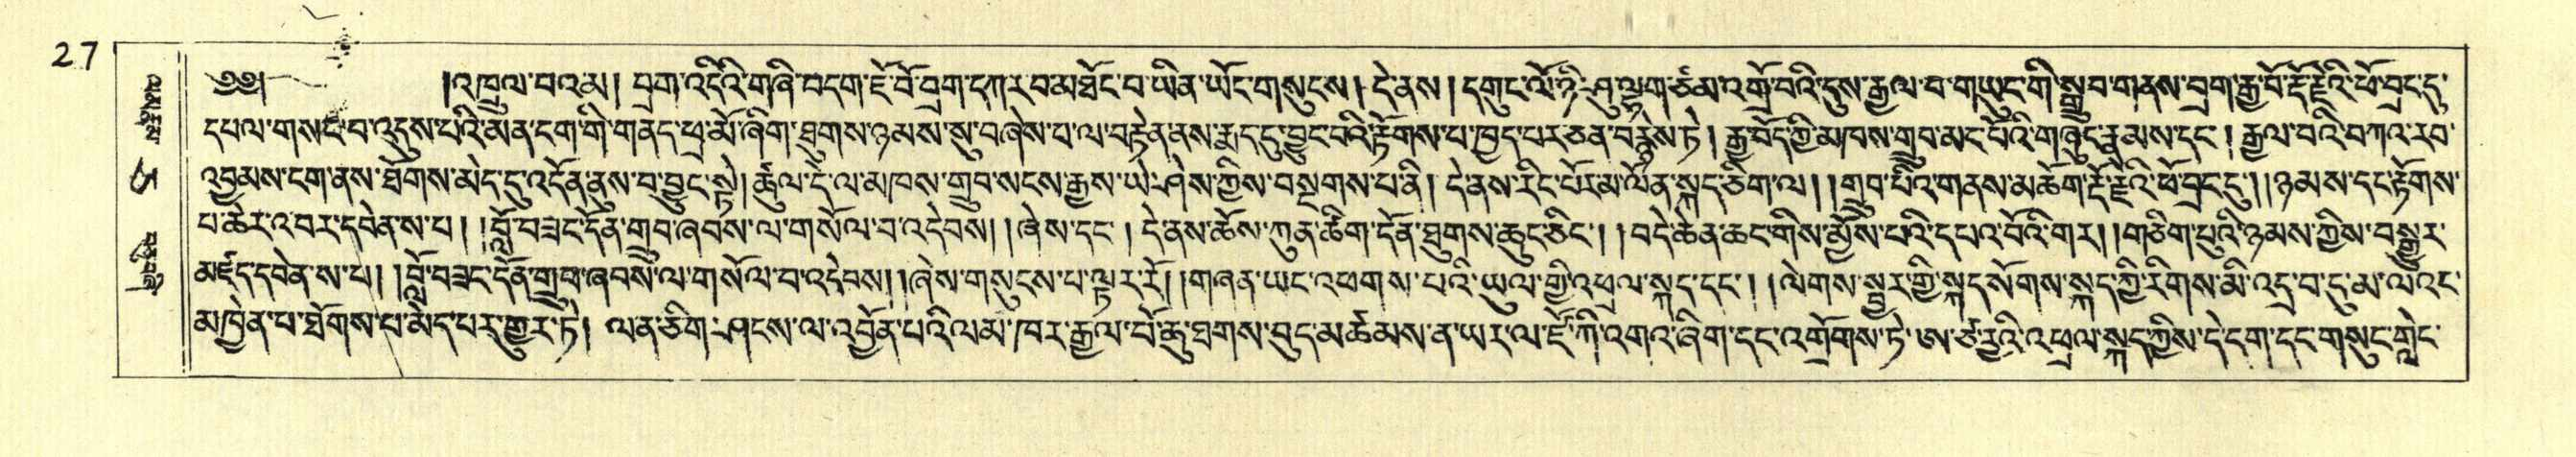༄༅། །འཁྲུལ་བའམ། བྲག་འདིའི་གཞི་བདག་ཇོ་བོ་བྲག་དཀར་བ་མཐོང་བ་ཡིན་ཡོང་གསུངས། དེ་ནས། དགུང་ལོ་ཉི་ཤུ་ལྷག་ཙམ་འགྲོ་བའི་དུས་རྒྱལ་བ་གཡུང་གི་སྒྲུབ་གནས་བྲག་རྒྱ་བོ་རྡོ་རྗེའི་ཕོ་བྲང་དུ་
དཔལ་གསང་བ་འདུས་པའི་མན་ངག་གི་གནད་ཕྲ་མོ་ཞིག་ཐུགས་ཉམས་སུ་བཞེས་པ་ལ་བརྟེན་ནས་རྨད་དུ་བྱུང་པའི་རྟོགས་པ་ཁྱད་པར་ཅན་བརྙེས་ཏེ། རྒྱ་བོད་ཀྱི་མཁས་གྲུབ་མང་པོའི་གཞུང་རྣམས་དང་། རྒྱལ་བའི་བཀའ་རབ་
འབྱམས་ངག་ནས་ཐོགས་མེད་དུ་འདོན་ནུས་བ་བྱུང་སྟེ། ཚུལ་དེ་ལ་མཁས་གྲུབ་སངས་རྒྱས་ཡེ་ཤེས་ཀྱིས་བསྔགས་པ་ནི། དེ་ནས་རིང་པོར་མ་ལོན་སྐད་ཅིག་ལ། །གྲུབ་པའི་གནས་མཆོག་རྡོ་རྗེའི་ཕོ་བྲང་དུ། །ཉམས་དང་རྟོགས་
པ་ཆེར་འབར་དབེན་ས་པ། །བློ་བཟང་དོན་གྲུབ་ཞབས་ལ་གསོལ་བ་འདེབས། །ཞེས་དང་། དེ་ནས་ཆོས་ཀུན་ཚིག་དོན་ཐུགས་ཆུང་ཅིང་། །བདེ་ཆེན་ཆང་གིས་མྱོས་པའི་དཔའ་བོའི་གར། །གཅིག་པུའི་ཉམས་ཀྱིས་བསྒྱུར་
མཛད་དབེན་ས་པ། །བློ་བཟང་དོན་གྲུབ་ཞབས་ལ་གསོལ་བ་འདེབས། །ཞེས་གསུངས་པ་ལྟར་རོ། །གཞན་ཡང་འཕགས་པའི་ཡུལ་གྱི་འཕྲལ་སྐད་དང་། །ལེགས་སྦྱར་གྱི་སྐད་སོགས་སྐད་ཀྱི་རིགས་མི་འདྲ་བ་དུ་མ་ལའང་
མཁྱེན་པ་ཐོགས་པ་མེད་པར་གྱུར་ཏེ། ལན་ཅིག་ཤངས་ལ་འབྱོན་པའི་ལམ་ཁར་རྒྱལ་པོ་ཆུ་ཐགས་བུད་མཚམས་ན་ཡར་ལ་ཛོ་ཀི་འགའ་ཞིག་དང་འགྲོགས་ཏེ་ཨ་ཙ་རྱའི་འཕྲལ་སྐད་ཀྱིས་དེ་དག་དང་གསུང་གླེང་